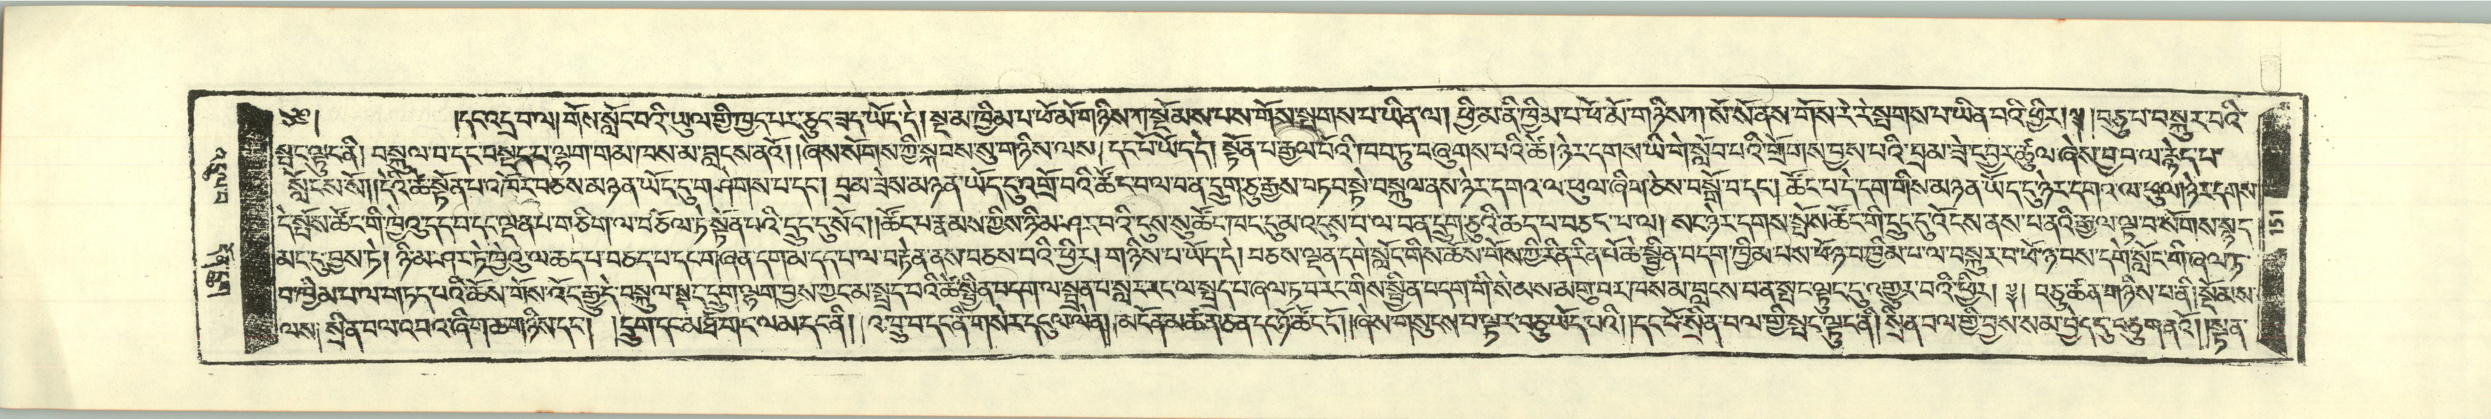༄༅། །དང་འདྲ་བ་ལ། གོས་སློང་བའི་ཡུལ་གྱི་ཁྱད་པར་ཅུང་ཟད་ཡོད་དེ། སྔ་མ་ཁྱིམ་པ་ཕོ་མོ་གཉིས་ཀ་སྡོམས་པས་གོས་སྤགས་པ་ཡིན་ལ། ཕྱི་མ་ནི་ཁྱིམ་པ་ཕོ་མོ་གཉིས་ཀ་སོ་སོ་ནས་གོས་རེ་རེ་སྤགས་པ་ཡིན་པའི་ཕྱིར། ༈ །བཅུ་པ་བསྐུར་བའི་
སྤང་ལྟུང་ནི། བསྐུལ་བ་དང་བསྡད་པ་ལྷག་གམ་ཁས་མ་བླངས་ནའོ། །ཞེས་སོགས་ཀྱི་སྐབས་སུ་གཉིས་ལས། དང་པོ་ཡོད་དེ། སྟོན་པ་རྒྱལ་པོའི་ཁབ་ཏུ་བཞུགས་པའི་ཚེ། ཉེར་དགས་ཡི་གེ་སློབ་པའི་གྲོགས་བྱས་པའི་བྲམ་ཟེ་དབྱར་ཚུལ་ཞེས་བྱ་བ་ལ་རྙེད་པ་
སློངས་སོ། །དེའི་ཚེ་སྟོན་པ་འཁོར་བཅས་མཉན་ཡོང་དུ་གཤེགས་པ་དང་། བྲམ་ཟེས་མཉན་ཡོད་དུ་འགྲོ་བའི་ཚོང་བ་ལ་བ་ན་དྲུག་ཅུ་རྒྱས་བཏབ་སྟེ་བསྐུལ་ནས་ཉེར་དགའ་ལ་ཕུལ་ཞིག་ཅེས་བསྒོ་བ་དང་། ཚོང་པ་དེ་དག་གིས་མཉན་ཡོད་དུ་ཉེར་དགའ་ལ་ཕུལ། ཉེར་དགས་
དེ་སྤོས་ཚོང་གི་ཁྱེའུ་དད་པ་དང་ལྡན་པ་གཅིག་ལ་བཅོལ་ཏེ་སྟོན་པའི་དྲུང་དུ་སོང་། །ཚོང་པ་རྣམས་ཀྱིས་ཉི་མ་ཤར་བའི་དུས་སུ་ཚོང་ཁང་དུ་མ་འདུས་པ་ལ་བ་ན་དྲུག་ཅུའི་ཆད་པ་བཅད་པ་ལ། སང་ཉེར་དགས་སྤོས་ཚོང་གི་དྲུང་དུ་འོངས་ནས་པ་ནའི་རྒྱ་ལ་ལྟ་བ་སོགས་སྙད་
མང་དུ་བྱས་ཏེ། ཉི་མ་ཤར་ཏེ་ཁྱེའུ་ལ་ཆད་པ་བཅད་པ་དང་གཞན་དག་མ་དད་པ་ལ་བརྟེན་ནས་བཅས་པའི་ཕྱིར། གཉིས་པ་ཡོད་དེ། བཅས་ལྡན་དགེ་སློང་གིས་ཆོས་གོས་ཀྱི་རིན་རིན་པོ་ཆེ་སྦྱིན་བདག་ཁྱིམ་པས་ཕོ་ཉ་བ་ཁྱིམ་པ་ལ་བསྐུར་བ་ཕོ་ཉ་བས་དགེ་སློང་གི་ཞལ་ཏ་
བ་ཁྱིམ་པ་ལ་གཏད་པའི་ཆོས་གོས་འོད་རྒྱུ་དེ་བསྐུལ་སྡད་དྲུག་ལྷག་བྱས་ཀྱང་མ་སྤྲད་པའི་ཚེ་སྦྱིན་བདག་ལ་སྦྲན་པ་སླར་རང་ལ་སྤྲད་པ་ཞལ་ཏ་བ་རང་གིས་སྦྱིན་བདག་གི་སེམས་མགུ་བར་ཁས་མ་བླངས་བ་ན་སྤང་ལྟུང་དུ་འགྱུར་བའི་ཕྱིར། ༈ །བཅུ་ཚན་གཉིས་པ་ནི། སྡོམས་
ལས། སྲིན་པ་ལ་འབའ་ཞིག་ཆ་གཉིས་དང་། །དྲུག་དང་མཐོ་གང་ལམ་དང་ནི། །འཁྲུ་བ་དང་ནི་གསེར་དངུལ་ལེན། །མངོན་མཚན་ཅན་དང་ཉོ་ཚོང་ངོ། །ཞེས་གསུངས་བ་ལྟར་བཅུ་ཡོད་པའི། །དང་པོ་སྲིན་བལ་གྱི་སྤང་ལྟུང་ནི། སྲིན་བལ་གྱི་བྱས་སམ་བྱེད་དུ་བཅུག་ནའོ། །སྟན་